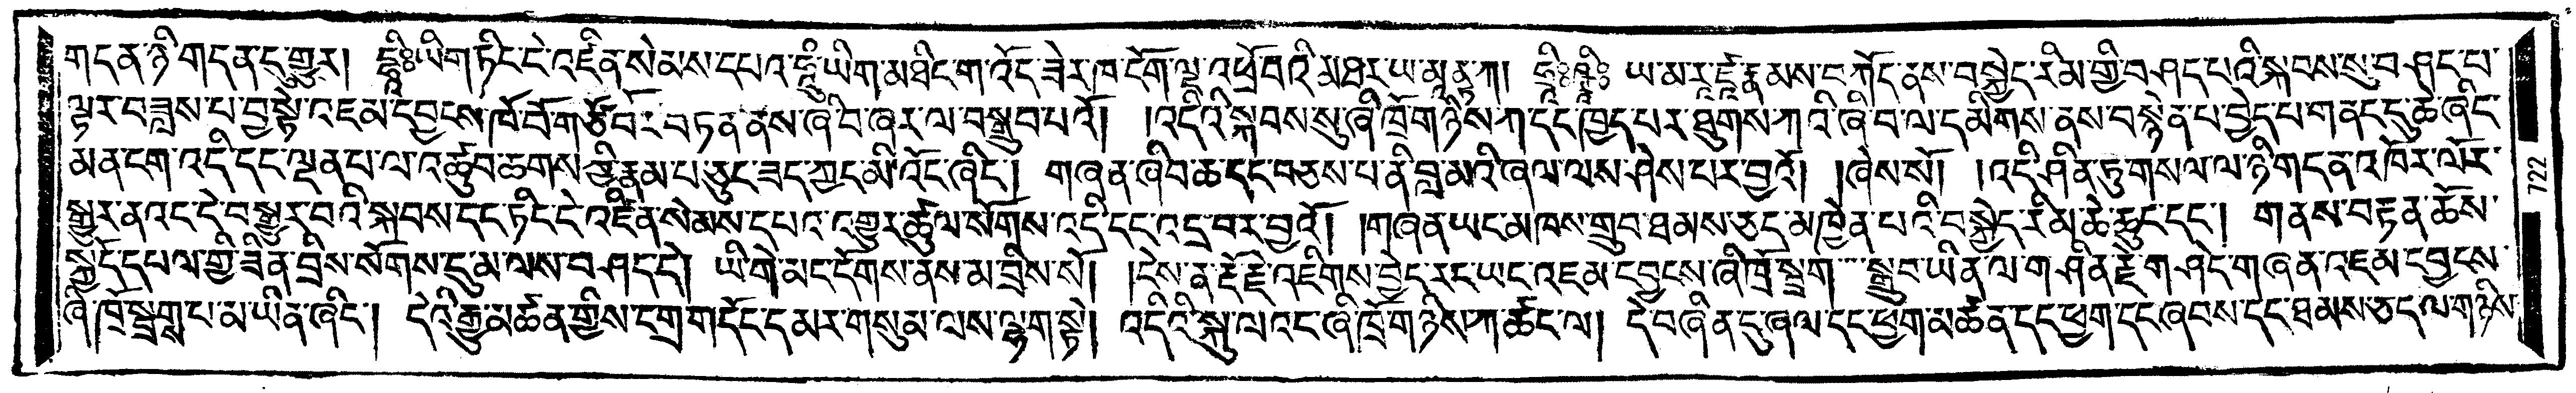གདན་ཉི་གདན་དུ་གྱུར། དྷཱིཿཡིག་ཏིང་ངེ་འཛིན་སེམས་དཔའ་ཧཱུཾ་ཡིག་མཐིང་ག་འོད་ཟེར་ཁ་དོག་ལྔ་འཕྲོ་བའི་མཐར་ཡ་མཱནྟ་ཀ། ཧྲཱིཿཥྚཱིཿ ཡ་མ་རཱ་ཛཱ་རྣམས་བཀོད་ནས་བསྐྱེད་རིམ་གྱི་བཤད་པའི་སྐབས་སུ་བཤད་པ་
ལྟར་བཟླས་པ་བྱ་སྟེ་འཇམ་དབྱངས་ཁོ་བོ་གཙོ་བོར་བཏན་ནས་ཞི་བ་ཞར་ལ་བསྒྲུབ་པའོ། །འདིའི་སྐབས་སུ་ཞི་ཁྲོ་གཉིས་ཀ་དང་ཁྱད་པར་ཐུགས་ཀའི་ཞི་བ་ལ་དམིགས་ནས་བསྙེན་པ་བྱེད་པ་གནང་དུ་ཆེ་ཞིང་
མན་ངག་འདི་དང་ལྡན་པ་ལ་འཚུབ་ཆགས་ཀྱི་རྣམ་པ་ཅུང་ཟད་ཀྱང་མི་འོང་ཞིང་། གཞན་ཞིབ་ཆ་དང་བཅས་པ་ནི་བླ་མའི་ཞལ་ལས་ཤེས་པར་བྱའོ། །ཞེས་སོ། །འདི་ཤིན་ཏུ་གསལ་ལ་ཉི་གདན་འཁོར་ལོར་
སྒྱུར་ནའང་དེ་བསྒྱུར་བའི་སྐབས་དང་ཏིང་ངེ་འཛིན་སེམས་དཔའ་འགྱུར་ཚུལ་སོགས་འདི་དང་འདྲ་བར་བྱའོ། །གཞན་ཡང་མཁས་གྲུབ་ཐམས་ཅད་མཁྱེན་པའི་བསྐྱེད་རིམ་ཆེ་ཆུང་དང་། གནས་བརྟན་ཆོས་
སྐྱོད་དཔལ་གྱི་ཟིན་བྲིས་སོགས་དུ་མ་ལས་བཤད་དེ། ཡི་གེ་མང་དོགས་ནས་མ་བྲིས་སོ། །དེས་ན་རྡོ་རྗེ་འཇིགས་བྱེད་རང་ཡང་འཇམ་དབྱངས་ཞི་ཁྲོ་སྦྲག་སྒྲུབ་ཡིན་ལ་གཤིན་རྗེ་གཤེད་གཞན་འཇམ་དབྱངས་
ཞི་ཁྲོ་སྦྲགས་པ་མ་ཡིན་ཞིང་། དེའི་རྒྱུ་མཚན་གྱིས་དགྲ་གདོང་དམར་གསུམ་ལས་ལྷག་སྟེ། འདིའི་སྐུ་ལའང་ཞི་ཁྲོ་གཉིས་ཀ་ཚང་ལ། དེ་བཞིན་དུ་ཞལ་དང་ཕྱག་མཚན་དང་ཕྱག་དང་ཞབས་དང་ཐམས་ཅད་ལ་གཉིས་